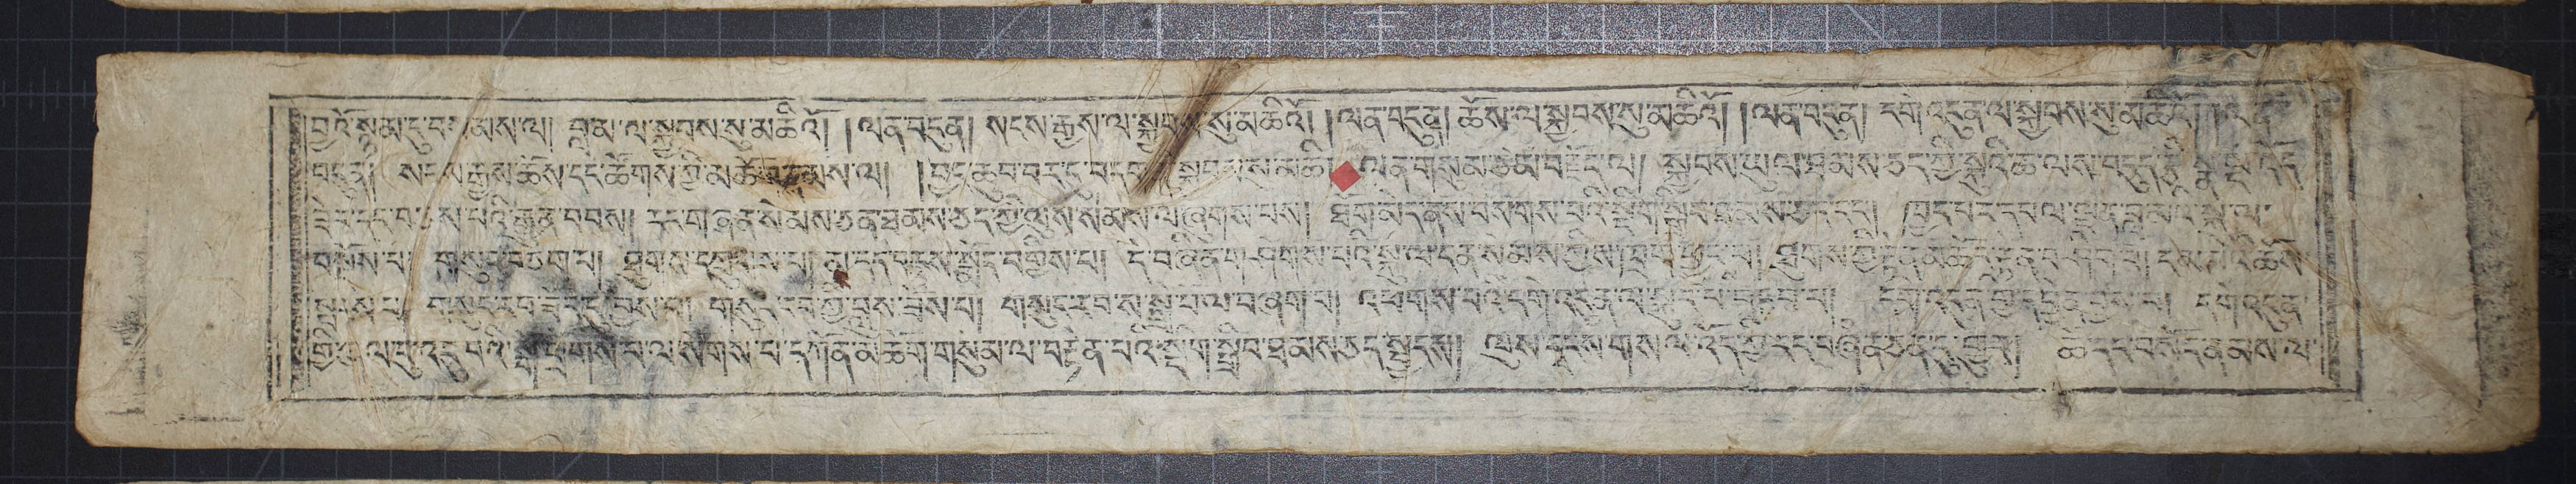བྱའོ་སྙམ་དུ་བསམས་ལ། བླ་མ་ལ་སྐྱབས་སུ་མཆིའོ། །ལན་བདུན། སངས་རྒྱས་ལ་སྐྱབས་སུ་མཆིའོ། །ལན་བདུན། ཆོས་ལ་སྐྱབས་སུ་མཆིའོ། །ལན་བདུན། དགེ་འདུན་ལ་སྐྱབས་སུ་མཆིའོ། །ལན་
བདུན། སངས་རྒྱས་ཆོས་དང་ཚོགས་ཀྱི་མཆོག་རྣམས་ལ། །བྱང་ཆུབ་བར་དུ་བདག་ནི་སྐྱབས་སུ་མཆི། ལན་གསུམ་ཙམ་བརྗོད་ལ། སྐྱབས་ཡུལ་ཐམས་ཅད་ཀྱི་སྐུའི་ཆ་ལས་བདུད་རྩི་སྣ་ལྔ་འོད་
ཟེར་དང་བཅས་པའི་རྒྱུན་བབས། རང་གཞན་སེམས་ཅན་ཐམས་ཅད་ཀྱི་ལུས་སེམས་ལ་ཞུགས་པས། ཐོག་མེད་ནས་བསགས་པའི་སྡིག་སྒྲིབ་ཐམས་ཅད་དང་། ཁྱད་པར་དཔལ་ལྡན་བླ་མའི་སྐུ་ལ་
བསྡོས་པ། གསུང་བཅག་པ། ཐུགས་དཀྲུགས་པ། མ་དང་བརྙས་སྨོད་བགྱིས་པ། དེ་བཞིན་གཤེགས་པའི་སྐུ་ལ་ངན་སེམས་ཀྱིས་ཁྲག་ཕྱུང་པ། ཐུགས་ཀྱི་རྟེན་མཆོད་རྟེན་བཤིག་པ། དམ་པའི་ཆོས་
སྤངས་པ། གསུང་རབ་ཟོང་དུ་བྱས་པ། གསུང་རབ་ཀྱི་བླུས་ཟོས་པ། གསུང་རབ་ས་སྐྲེ་པོ་ལ་བཞག་པ། འཕགས་པའི་དགེ་འདུན་ལ་སྐུར་བ་བཏབ་པ། དགེ་འདུན་གྱི་དབྱེན་བྱས་པ། དགེ་འདུན་
གྱི་ཞལ་དུ་འདུ་བའི་སྒོ་ཕྲོགས་པ་ལ་སོགས་པ་དཀོན་མཆོག་གསུམ་ལ་བརྟེན་པའི་སྡིགས་པ་ཐམས་ཅད་སྦྱངས། ལུས་དྭངས་གསལ་འོད་ཀྱི་རང་བཞིན་ཅན་དུ་གྱུར་ཚེ་དང་བསོད་ནམས་ལ་